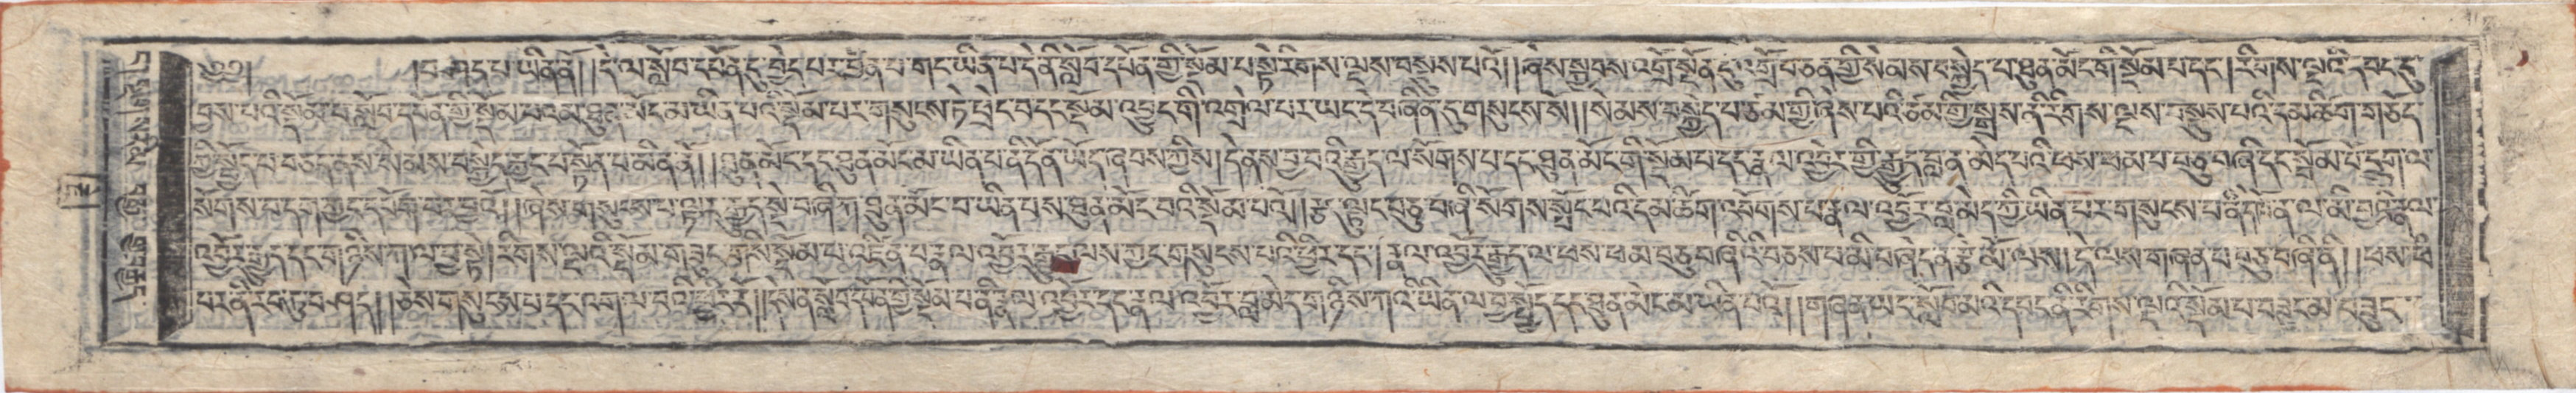༄༅། །བཤད་པ་ཡིན་ནོ། །དེ་ལ་སློབ་དཔོན་དུ་བྱེད་པར་བྱོན་པ་གང་ཡིན་པ་དེ་ནི་སློབ་དཔོན་གྱི་སྡོམ་པ་སྟེ་རིགས་ལྔས་བསྡུས་པའོ། །ཞེས་སྐྱབས་འགྲོ་སྔོན་དུ་འགྲོ་བ་ཅན་གྱི་སེམས་བསྐྱེད་པ་ཐུན་མོང་གི་སྡོམ་པ་དང་། རིགས་ལྔའི་དབང་དུ་
བྱས་པའི་སྡོམ་པ་སློབ་དཔོན་གྱི་སྡོམ་པའམ་ཐུན་མོང་མ་ཡིན་པའི་སྡོམ་པར་གསུངས་ཏེ་ཕྲེང་བ་དང་སྡོམ་འབྱུང་གི་འགྲེལ་པར་ཡང་དེ་བཞིན་དུ་གསུངས་སོ། །སེམས་བསྐྱེད་པ་ཙམ་གྱི་ཞེས་པའི་ཙམ་གྱི་སྒྲས་ནི་རིགས་ལྔས་བསྡུས་པའི་དམ་ཚིག་གཅོད་ཀྱི་སྤྱོད་པ་བཅད་ནས་སེམས་བསྐྱེད་རྐྱང་པ་སྟོན་པ་མིན་ནོ། །ཐུན་མོང་དང་ཐུན་མོང་མ་ཡིན་པ་ནི་དོན་ཡོད་ཞབས་ཀྱིས། དེ་ནས་བྱ་བའི་རྒྱུད་ལ་སོགས་པ་དང་ཐུན་མོང་གི་སྡོམ་པ་དང་རྣལ་འབྱོར་གྱི་རྒྱུད་བླ་ན་མེད་པའི་ཕས་ཕམ་པ་བཅུ་བཞི་དང་སྦོམ་པོ་དྲུག་ལ་
སོགས་བ་དག་ཀྱང་དཔོག་པར་བྱའོ། །ཞེས་གསུངས་པ་ལྟར་རྒྱུད་སྡེ་བཞི་ཀ་ཐུན་མོང་བ་ཡིན་པས་ཐུན་མོང་བའི་སྡོམ་པའོ། །རྩ་ལྟུང་བཅུ་བཞི་སོགས་སྤོང་པའི་དམ་ཚིག་འབོགས་པ་རྣལ་འབྱོར་བླ་མེད་ཀྱི་ཡིན་པར་གསུངས་པ་ནི་དེ་ཁོ་ན་ལ་མི་བྱའི་རྣལ་
འབྱོར་རྒྱུད་དང་གཉིས་ཀ་ལ་བྱ་སྟེ། རིགས་ལྔའི་སྡོམ་གཟུང་གིས་སྡོམ་པ་འཛིན་པ་རྣལ་འབྱོར་རྒྱུད་ལས་ཀྱང་གསུངས་པའི་ཕྱིར་དང་། རྣལ་འབྱོར་རྒྱུད་ལ་ཕས་ཕམ་བཅུ་བཞིའི་བཅས་པ་མི་བཞེད་ན་རྩེ་མོ་ལས། དེ་ལས་གཞན་པ་བཅུ་བཞི་ནི། །ཕས་ཕཾ་
པར་ནི་རབ་ཏུ་བཤད། །ཅེས་གསུངས་པ་དང་འགལ་པའི་ཕྱིར་རོ། །དེས་ན་སློབ་དཔོན་གྱི་སྡོམ་པ་ནི་རྣལ་འབྱོར་དང་རྣལ་འབྱོར་བླ་མེད་གཉིས་ཀའི་ཡིན་ལ་བྱ་སྤྱོད་དང་ཐུན་མོང་མ་ཡིན་པའོ། །གཞན་ཡང་སློབ་མའི་དབང་ནི་རིགས་ལྔའི་སྡོམ་པ་བཟུང་མ་བཟུང་